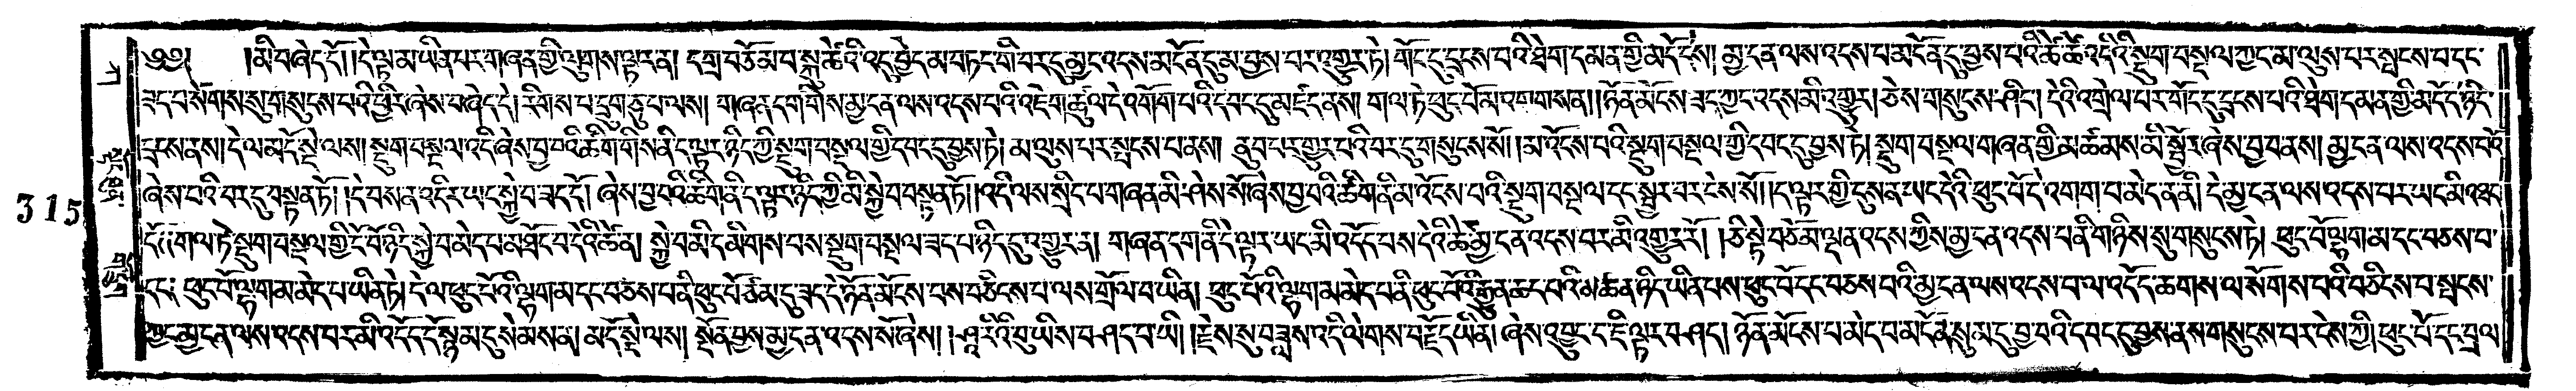༄༅། །མི་བཞེད་དོ། །དེ་ལྟ་མ་ཡིན་པར་གཞན་གྱི་ལུགས་ལྟར་ན། དགྲ་བཅོམ་པ་སྐུ་ཚེའི་འདུ་བྱེད་མ་བཏང་གི་བར་དུ་མྱང་འདས་མངོན་དུ་མ་བྱས་བར་འགྱུར་ཏེ། གོང་དུ་དྲངས་པའི་ཐེག་དམན་གྱི་མདོ་དེས། མྱ་ངན་ལས་འདས་པ་མངོན་དུ་བྱས་པའི་ཚེ་ཚེ་འདིའི་སྡུག་བསྔལ་ཀྱང་མ་ལུས་པར་སྤངས་བ་དང་
ཟད་པ་སོགས་སུ་གསུངས་པའི་ཕྱིར་ཞེས་བཞེད་དེ། རིགས་པ་དྲུག་ཅུ་པ་ལས། གཞན་དག་གིས་མྱ་ངན་ལས་འདས་པའི་འཇོག་ཚུལ་དེ་འགོག་པའི་དབང་དུ་མཛད་ནས། གལ་ཏེ་ཕུང་པོ་མ་འགགས་ན། །ཉོན་མོངས་ཟད་ཀྱང་འདས་མི་འགྱུར། ཅེས་གསུངས་ཤིང་། དེའི་འགྲེལ་པར་གོང་དུ་དྲངས་པའི་ཐེག་དམན་གྱི་མདོ་དེ་ཉིད་
དྲངས་ནས། དེ་ལ་མདོ་སྡེ་ལས། སྡུག་བསྔལ་འདི་ཞེས་བྱ་བའི་ཚིག་གིས་ནི་ད་ལྟར་ཉིད་ཀྱི་སྡུག་བསྔལ་གྱི་དབང་དུ་བྱས་ཏེ། མ་ལུས་པར་སྤངས་པ་ནས། ནུབ་པར་གྱུར་པའི་བར་དུ་གསུངས་སོ། །མ་འོངས་པའི་སྡུག་བསྔལ་གྱི་དབང་དུ་བྱས་ཏེ། སྡུག་བསྔལ་གཞན་གྱི་མཚམས་མི་སྦྱོར་ཞེས་བྱ་བ་ནས། མྱ་ངན་ལས་འདས་པའོ་
ཞེས་པའི་བར་དུ་བསྟན་ཏོ། །དེ་བས་ན་འདིར་ཡང་སྐྱེ་བ་ཟད་དོ། ཞེས་བྱ་བའི་ཚིག་ནི་ད་ལྟར་ཉིད་ཀྱི་མི་སྐྱེ་བ་བསྟན་ཏོ། །འདི་ལས་སྲིད་པ་གཞན་མི་ཤེས་སོ་ཞེས་བྱ་བའི་ཚིག་ནི་མ་འོངས་པའི་སྡུག་བསྔལ་དང་སྤྱར་བར་ངེས་སོ། །ད་ལྟར་གྱི་དུས་ན་ཡང་དེའི་ཕུང་པོ་དེ་འགག་བ་མེད་ན་ནི། དེ་མྱ་ངན་ལས་འདས་བར་ཡང་མི་འཐད་
དོ༑ ༑གལ་ཏེ་སྡུག་བསྔལ་གྱི་ངོ་བོ་ཉིད་སྐྱེ་བ་མེད་པ་མཐོང་བ་དེའི་ཚེ་ན། སྐྱེ་བ་མི་དམིགས་པས་སྡུག་བསྔལ་ཟད་པ་ཉིད་དུ་འགྱུར་ན། གཞན་དག་ནི་དེ་ལྟར་ཡང་མི་འདོད་པས་དེའི་ཚེ་མྱ་ངན་འདས་བར་མི་འགྱུར་རོ། །ཅི་སྟེ་བཅོམ་ལྡན་འདས་ཀྱིས་མྱ་ངན་འདས་པ་ནི་གཉིས་སུ་གསུངས་ཏེ། ཕུང་པོ་ལྷག་མ་དང་བཅས་པ་
དང༑ ཕུང་པོ་ལྷག་མ་མེད་པ་ཡིན་ཏེ། དེ་ལ་ཕུང་པོའི་ལྷག་མ་དང་བཅས་པ་ནི་ཕུང་པོ་ཙམ་དུ་ཟད་དེ་ཉོན་མོངས་བས་བཅིངས་པ་ལས་གྲོལ་བ་ཡིན། ཕུང་པོའི་ལྷག་མ་མེད་པ་ནི་ཕུང་པོའི་རྒྱུན་ཆད་པའི་མཚན་ཉིད་ཡིན་པས་ཕུང་པོ་དང་བཅས་པའི་མྱ་ངན་ལ་འདོད་ཆགས་ལ་སོགས་པའི་བཅིངས་པ་སྤངས་
ཀྱང་མྱ་ངན་ལས་འདས་པར་མི་འདོད་དོ་སྙམ་དུ་སེམས་ན། མདོ་སྡེ་ལས། སྔོན་བྱས་མྱ་ངན་འདས་སོ་ཞེས། །ཤཱ་རིའི་བུ་ཡིས་བཤད་པ་ཡི། །རྗེས་སུ་བཟླས་འདི་ལེགས་བརྗོད་ཡིན། ཞེས་འབྱུང་བ་ཇི་ལྟར་བཤད། ཉོན་མོངས་པ་མེད་པ་མངོན་སུམ་དུ་བྱ་བའི་དབང་དུ་བྱས་ནས་གསུངས་བར་ངེས་ཀྱི། ཕུང་པོ་དང་བྲལ་